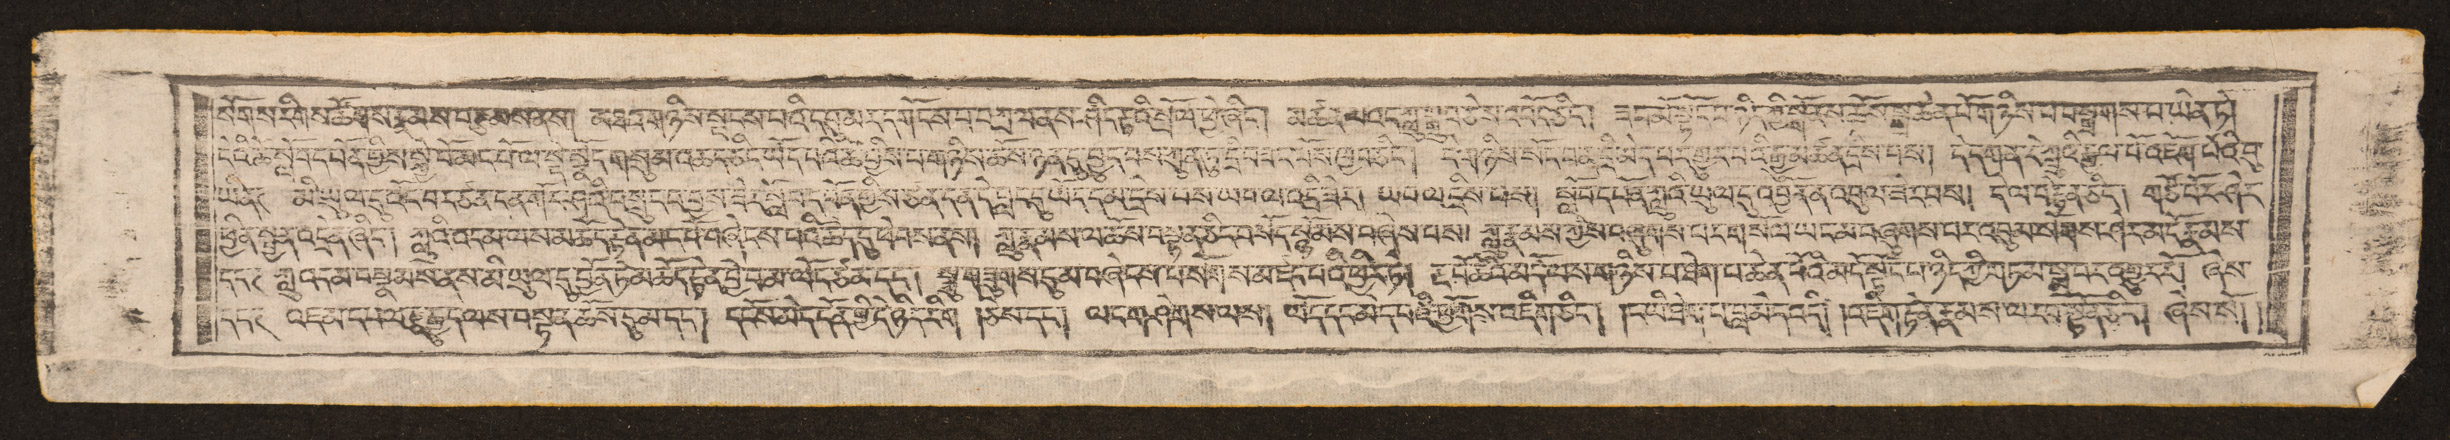སོགས་རིགས་ཚོགས་རྣམས་བརྩམས་ནས། མཐའ་གཉིས་སྤངས་པའི་དབུ་མར་དགོངས་བ་བཀྲ་པ་ནས་ཤིང་རྟའི་སྲོལ་ཕྱེ་ཞིང་། མཚན་ལ་འདི་ཀླུ་སྒྲུབ་ཅེས་འབོད་ཅིང་། ཟབ་མོ་སྟོང་པ་ཉིད་ཀྱི་སྒོ་ནས་ཆོས་སྨྲ་ཆེན་པོ་གཉིས་པ་བསྒྲགས་པ་ཡིན་ཏེ།
དེའི་ཆོ་སློབ་དཔོན་གྱིས་སྐྱེ་བོ་མང་པོ་ལ་སྡེ་སྣོད་གསུམ་འཆད་ཅིང་ཡོད་པའི་ཚེ་བྱིས་པ་གཉིས་ཆོས་ཉན་དུ་བྱུང་བས་ཀུན་ཏུ་དྲི་བཟང་པོས་ཁྱབ་ཅིང་། དེ་གཉིས་སོང་བ་ན་དྲི་མེད་པར་གྱུར་པའི་རྒྱུ་མཚན་དྲིས་པས། དེ་དག་ན་རེ་ཀླུའི་རྒྱལ་པོ་འཇོག་པོའི་པྲ་
ཡིན༑ མི་ཡུལ་དུ་འོད་དའར་?་ཙན་དན་གོར་ཤའི་བསྲུང་བ་བྱས་ཟེར་སློབ་དཔོན་གྱིས་ཙན་དན་དེ་བླང་དུ་ཡོང་དམ་དྲེས་པས་ཡབ་ལ་འདྲི་ཟེར། ཡབ་ལ་དྲིས་པས། སློབ་དཔོན་ཀླུའི་ཡུལ་དུ་འབྱོན་ན་འབུལ་ཟེར་བས། དེ་ལ་བརྟེན་ཅིང་། གཙོ་བོར་ཤེར་
ཕྱིན་སྤྱན་འདྲེན་ཞིང་། ཀླུར་འདམ་ལས་མཆོད་རྟེན་མང་པོ་བཞེངས་པའི་ཆེད་དུ་ཕེབས་ནས། ཀླུ་རྣམས་ལ་ཆོས་བསྟན་ཅིང་བསོད་སྙོམས་པ་ཞེས་པས། ཀླུ་རྣམས་ཀྱིས་བཞུགས་པར་གསོལ་ཡང་མ་བཞུགས་པར་འབུམ་སོགས་ཤེར་མདོ་རྣམས་
དང༑ ཀླུ་འདམ་བསྣམས་ནས་མི་ཡུལ་དུ་བྱོན་ཏེ་མཆོད་རྟེན་བྱེ་བ་མ་ལོང་ཙམ་དང་། སྐུ་གཟུགས་དུ་མ་བཞེངས་པ་སོགས་མཛད་པའི་ཕྱིར་ཏེ། རྔ་བོ་ཆེའི་མདོ་ལས་གཉིས་པ་ཐེག་པ་ཆེན་པོའི་མདོ་སྟོང་པ་ཉིད་ཀྱི་གཏམ་སྨྲ་པར་འགྱུར་རོ། ཞེས་
དང༑ འཇམ་དཔལ་རྩ་རྒྱུད་ལས་བསྟན་ཆོས་དུ་མ་དང་། དངོས་མེད་དོན་གྱི་དེ་ཉིད་རིག །ཅེས་དང་། ལང་གཤེགས་ལས། ཡོད་དང་མེད་པའི་ཕྱོགས་འཇིག་ཅིང་། །ང་ཡི་ཐེག་པ་བླ་མེད་འདི། །འཇིག་རྟེན་རྣམས་ལ་རབ་སྟོན་ཅིང་། ཞེས་སོ།།